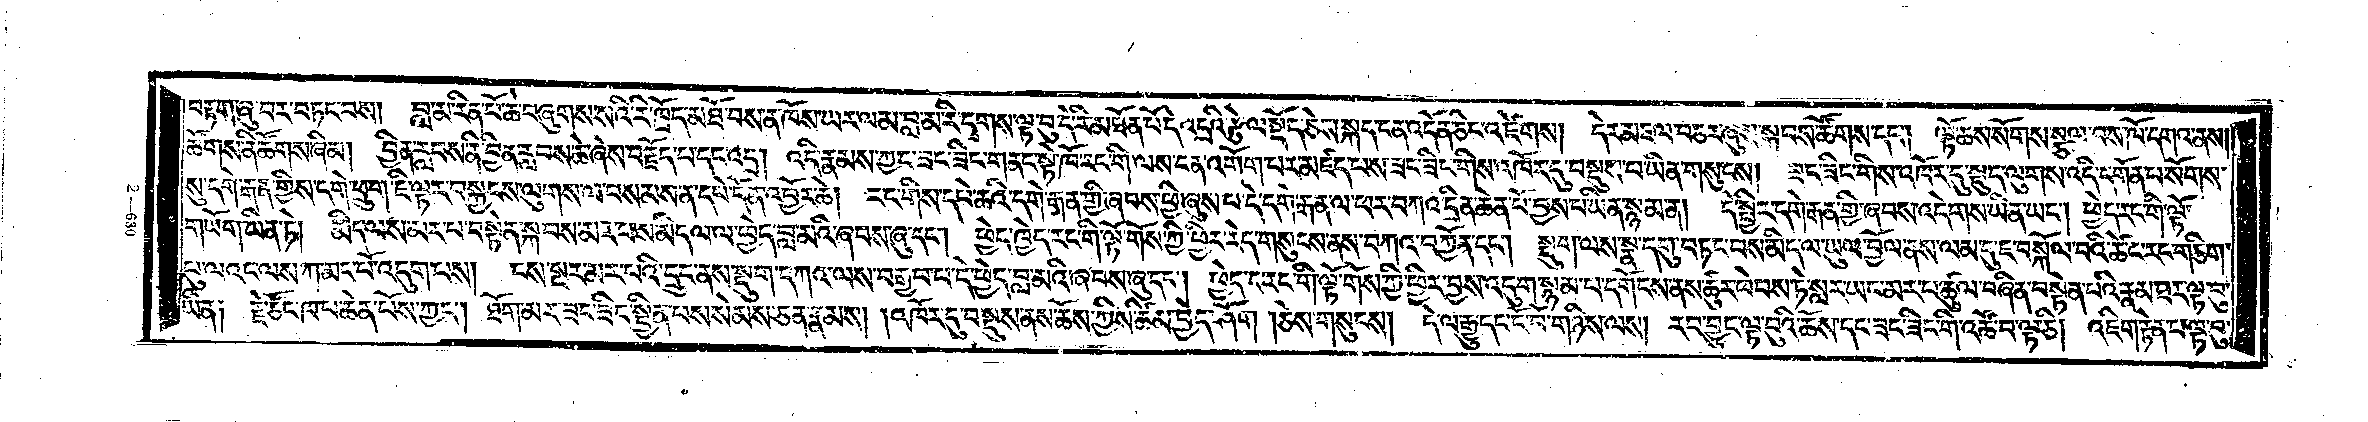བརྟག་ཞུ་བར་བཏང་བས། བླ་མ་རིན་པོ་ཆེ་བཞུགས་སའི་རི་ཁྲོད་མཐོ་བས་ན་ཁོས་ཡར་ལམ་བླ་མ་རི་དྭགས་ལྟ་བུ་དེ་རི་མཐོན་པ༩ཨོ་དེ་འདྲའི་རྩེ་ལ་སྡོད་ཅེས་སྐད་ངན་འདོན་ཅིང་འཛོགས། །དེར་མཇལ་བཅར་ཞུས་སྐབས་ཚོགས་དང་། ལྟོ་ཅས་སོགས་སྩལ་བས་ཁོ་དགའ་ནས།
ཚོགས་ནི་ཚོགས་ཞིམ། བྱིན་རླབས་ནི་བྱིན་རླབས་ཆེ་ཞེས་བརྗོད་པ་དང་འདྲ། འདི་རྣམས་ཀྱང་ཟང་ཟིང་གནད་སྟེང་ཁོ་རང་གི་ལས་ངན་འགོག་པར་མཛད་པས་ཟང་ཟིང་གིས་འཁོར་དུ་བསྡུས་པ་ཡིན་གསུངས། ཟང་ཟིང་གིས་འཁོར་དུ་སྡུད་ལུགས་འདི་དགོན་པོ་སོགས་
སུ་དགེ་རྒན་གྱིས་དགེ་ཕྲུག་ཇི་ལྟར་བསྐྱངས་ལུགས་ལ་བསམས་ན་དཔེ་དོན་འབྱོར་ཆེ། རང་གིས་དཔེ་ཆའི་དགེ་རྒན་གྱི་ཞབས་ཕྱི་ཞུས་པ་དེ་དགེ་རྒན་ལ་ཕར་བཀའ་དྲིན་ཆེན་པོ་བྱས་པ་ཡིན་སྙམ་ན། དེ་སྤྱིར་དགེ་རྒན་གྱི་ཞབས་འདེགས་ཡིན་ཡང་། ཕྱེད་རང་གི་ལྟོ་
གཡོག་ཡིན་ཏེ། མིད་ལས་མར་པ་བསྟེན་སྐབས་མར་པས་མིད་ལ་ལ་ཕྱེད་བླ་མའི་ཞབས་ཞུ་དང་། ཁྱེད་ཁྱེད་རང་གི་ལྟོ་གོས་ཀྱི་ཕྱིར་རེད་གསུངས་ནས་བཀའ་བཀྱོན་དང་། སྡུག་ལས་སྣ་དགུ་བཏང་བས་མིད་ལ་ཡུལ་བྱོལ་ནས་ལམ་དུ་ཇ་བསྐོལ་བའི་ཚེ་ང་རང་གཅིག་
བུ་ལའང་ལས་ཀ་མང་པོ་འདུག་པས། ངས་སྔར་མར་པའི་དྲུང་ནས་སྡུག་དཀའ་ལས་བརྒྱབ་བ་དེ་ཕྱེད་བླ་མའི་ཞབས་ཞུ་དང་། ཕྱེད་ང་རང་གི་ལྟོ་གོས་ཀྱི་ཕྱིར་བྱས་འདུག་སྙམ་པ་དགོངས་ནས་ཚུར་བེབས་ཏེ་སླར་ཡང་མར་པ་ཚུལ་བཞིན་བསྟེན་པའི་རྣམ་ཐར་ལྟ་བུ་
ཡིན། རྗེ་ཙོང་ཁ་པ་ཆེན་པོས་ཀྱང་། ཐོག་མར་ཟང་ཟིང་སྦྱིན་པས་སེམས་ཅན་རྣམས། །འཁོར་དུ་བསྡུས་ནས་ཆོས་ཀྱི་ཚིམ་བྱེད་ཤོག །ཅེས་གསུངས། དེ་ལ་རྒྱུད་དང་ངོ་བོ་གཉིས་ལས། རབ་བྱུང་ལྟ་བུའི་ཆོས་དང་ཟང་ཟིང་གི་འཚོ་བ་ལྟ་ཅི། འཇིག་རྟེན་བ་ལྟ་བུ་